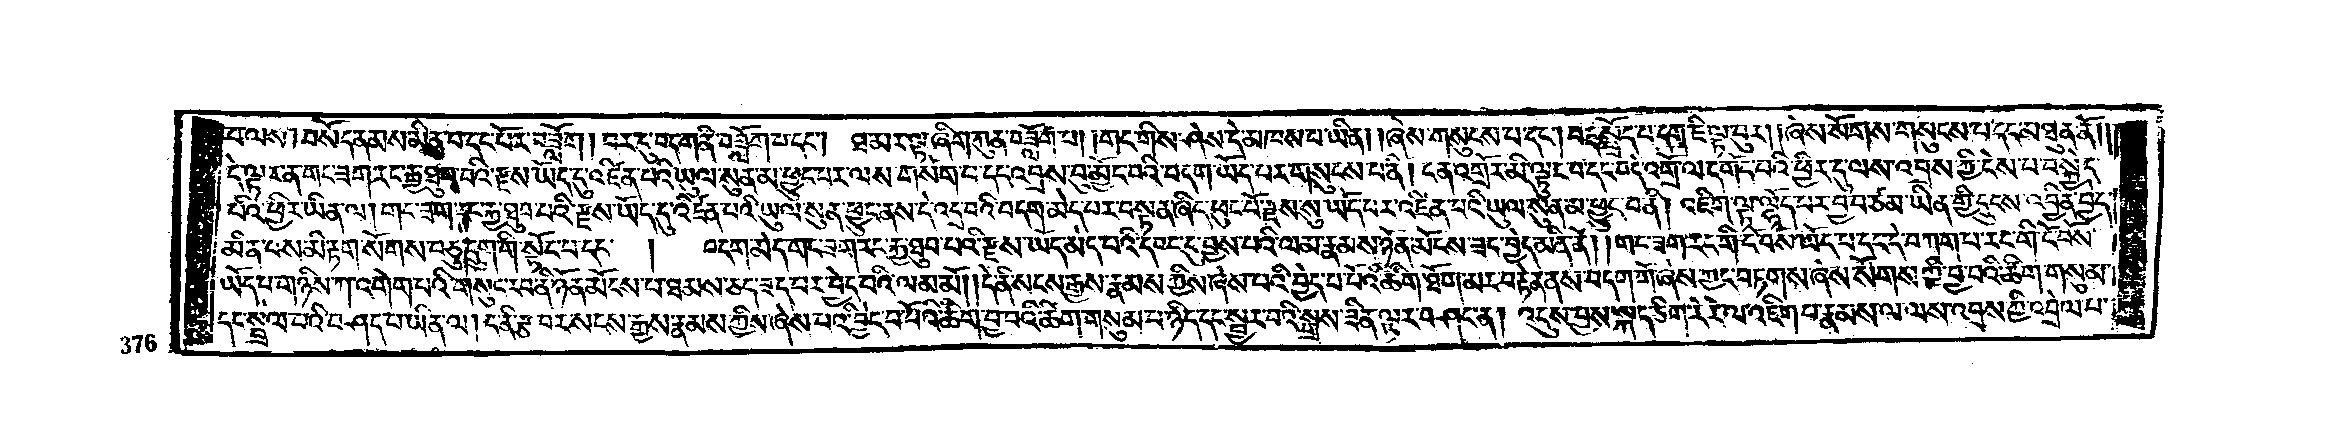པ་ལས༑ བསོད་ནམས་མིན་པ་དང་པོར་བཟློག །བར་དུ་བདག་ནི་བཟློག་པ་དང་། ཐ་མར་ལྟ་ཞིག་ཀུན་བཟློག་པ། །གང་གིས་ཤེས་དེ་མཁས་པ་ཡིན། །ཞེས་གསུངས་པ་དང་། བརྡ་སྤྲོད་པ་དག་ཇི་ལྟ་བུར། །ཞེས་སོགས་གསུངས་པ་དང་མཐུན་ནོ། །
དེ་ལྟར་ན་གང་ཟག་རང་རྐྱ་ཐུབ་བའི་རྫས་ཡོད་དུ་འཛིན་པའི་ཡུལ་སུན་མ་ཕྱུང་པར་ལས་གསོག་པ་དང་འབྲས་བུ་མྱོང་བའི་བདག་ཡོད་པར་གསུངས་པ་ནི། ངན་འགྲོར་མི་ལྟུང་བ་དང་བདེ་འགྲོ་ལ་དགོད་པའི་ཕྱིར་དུ་ལས་འབྲས་ཀྱི་ངེས་པ་བསྐྱེད་
པའི་ཕྱིར་ཡིན་ལ། གང་ཟག་རང་རྐྱ་ཐུབ་པའི་རྫས་ཡོད་དུ་འཛིན་པའི་ཡུལ་སུན་ཕྱུང་ནས་དེ་འདྲ་བའི་བདག་མེད་པར་བསྟན་ཞིང་ཕུང་པོ་རྫས་སུ་ཡོད་པར་འཛིན་པའི་ཡུལ་སུན་མ་ཕྱུང་བ་ནི། འཇིག་ལྟ་ལྷོད་པར་བྱ་བ་ཙམ་ཡིན་གྱི་དྲུངས་འབྱིན་བྱེད་
མིན་པས་མི་རྟག་སོགས་བཅུ་དྲུག་གི་སྟོང་པ་དང་། བདག་མེད་གང་ཟག་རང་རྐྱ་ཐུབ་པའི་རྫས་ཡོད་མེད་པའི་དབང་དུ་བྱས་པའི་ལམ་རྣམས་ཉོན་མོངས་ཟད་བྱེད་མིན་ནོ། །གང་ཟག་རང་གི་ངོ་བོས་ཡོད་པ་དང་དེ་བཀག་པ་རང་གི་ངོ་བོས་
ཡོད་པ་གཉིས་ཀ་འགོག་པའི་གསུང་རབ་ནི་ཉོན་མོངས་པ་ཐམས་ཅད་ཟད་པར་བྱེད་པའི་ལམ་མོ། །དེ་ནི་སངས་རྒྱས་རྣམས་ཀྱིས་ཞེས་པའི་བྱེད་པ་པོའི་ཚིག་ཐོག་མར་བརྟེན་ནས་བདག་གོ་ཞེས་ཀྱང་བཏགས་ཞེས་སོགས་ཀྱི་བྱ་བའི་ཆིག་གསུམ་
དང་སྤྲེལ་བའི་བཤད་པ་ཡིན་ལ། ད་ནི་རྩ་བར་སངས་རྒྱས་རྣམས་ཀྱིས་ཞེས་པའི་བྱེད་པ་པོའི་ཚིག་བྱ་བའི་ཚིག་གསུམ་པ་ཉིད་དང་སྦྱར་བའི་སྒྲས་ཟིན་ལྟར་བཤད་ན། འདུས་བྱས་སྐད་ཅིག་རེ་རེ་ལ་འཇོག་པ་རྣམས་ལ་ལས་འབྲས་ཀྱི་འབྲེལ་པ་